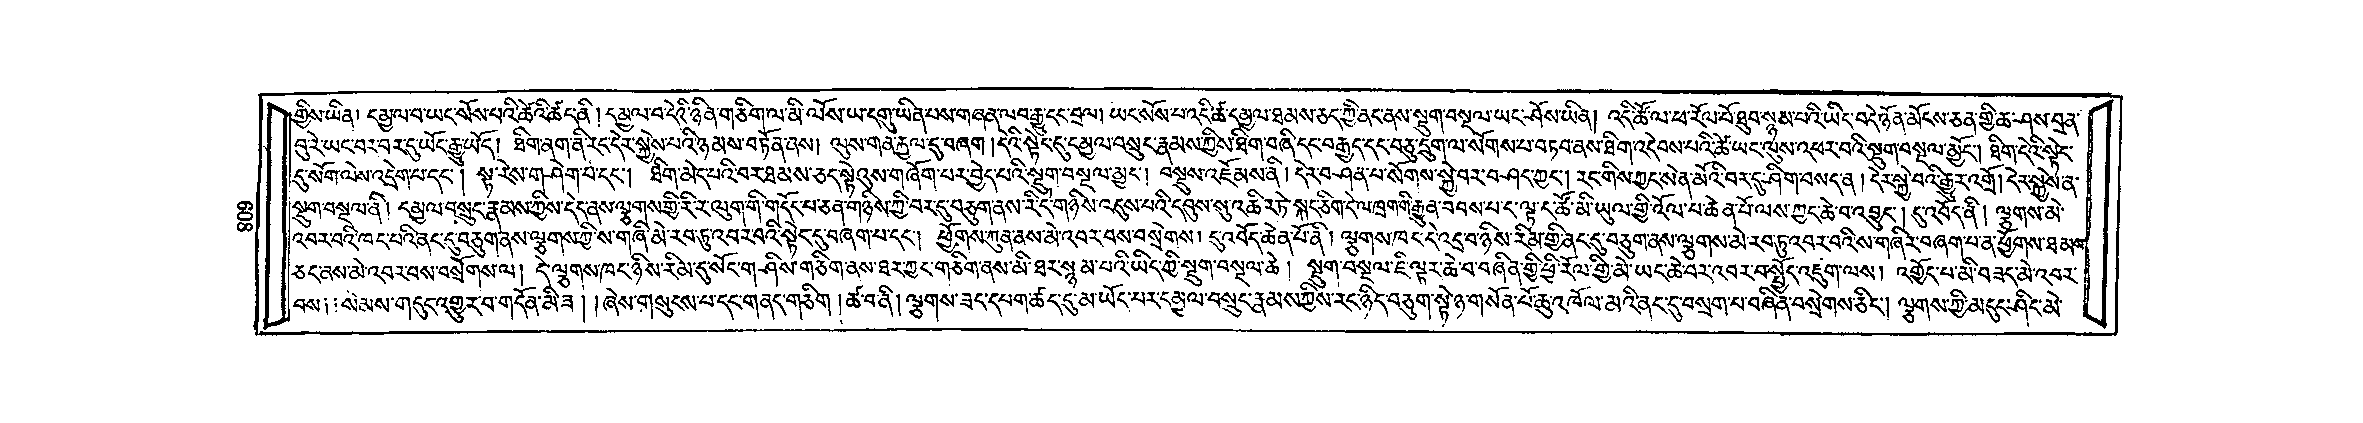གྱིས་ཡིན། དམྱལ་བ་ཡང་སོས་པའི་ཚེའི་ཚད་ནི། དམྱལ་བ་དེའི་ཉིན་གཅིག་ལ་མི་ལོས་ཡ་དགུ་ཡིན་པས་གཞན་ལབ་རྒྱུ་དང་བྲལ། ཡང་སོས་པ་འདི་ཚ་དམྱལ་ཐམས་ཅད་ཀྱི་ནང་ནས་སྡུག་བསྔལ་ཡང་ཤོས་ཡིན། འདི་ཚོ་ལ་ཕ་རོལ་པོ་ཐུབ་སྙམ་པའི་ཡིད་བདེ་ཉོན་མོངས་ཅན་གྱི་ཆ་ཤས་བྲན་
བུ་རེ་ཡང་བར་བར་དུ་ཡོང་རྒྱུ་ཡོད། ཐིག་ནག་ནི་རང་དེར་སྐྱེས་པའི་ཉམས་བཏོན་ནས། ལུས་གན་རྐྱལ་དུ་བཞག །དེའི་སྟེང་དུ་དམྱལ་བསྲུང་རྣམས་ཀྱིས་ཐིག་བཞི་དང་བརྒྱད་དང་བཅུ་དྲུག་ལ་སོགས་པ་བཏབ་ནས་ཐིག་འདེབས་པའི་ཚེ་ཡང་ལུས་འཕར་བའི་སྡུག་བསྔལ་མྱོང་། ཐིག་དེའི་སྟེང་
དུ་སོག་ལེས་འདྲེག་པ་དང་། སྟ་རེས་གཤེག་པ་དང་། ཐིག་མེད་པའི་བར་ཐམས་ཅད་སྟེའུས་གཞོག་པར་བྱེད་པའི་སྡུག་བསྔལ་མྱང་། བསྡུས་འཇོམས་ནི། དེར་བཤན་པ་སོགས་སྐྱེ་བར་བཤད་ཀྱང་། རང་གིས་ཀྱང་སེན་མོའི་བར་དུ་ཤིག་བསད་ན། དེར་སྐྱེ་བའི་རྒྱུར་འགྲོ་།དེར་སྐྱེས་ན་
སྡུག་བསྔལ་ནི། དམྱལ་བསྲུང་རྣམས་ཀྱིས་དེད་ནས་ལྕགས་གྱི་རི་ར་ལུག་གི་གདོང་པ་ཅན་གཉིས་ཀྱི་བར་དུ་བཅུག་ནས་རི་དེ་གཉིས་འདུས་པའི་དབུས་སུ་འཆིར་ཏེ་སྐད་ཅིག་དེ་ལ་ཁྲག་གི་རྒྱུན་བབས་པ་ད་ལྟ་ང་ཚོ་མི་ཡུལ་གྱི་འོལ་པ་ཆེན་པོ་ལས་ཀྱང་ཆེ་བ་འབྱུང་། དུ་འབོད་ནི། ལྕགས་མེ་
འབར་བའི་ཁང་པའི་ནང་དུ་བཅུག་ནས་ལྕགས་ཀྱི་ས་གཞི་མེ་རབ་ཏུ་འབར་བའི་སྟེང་དུ་བཞག་པ་དང་། ཕྱོགས་ཀུན་ནས་མེ་འབར་བས་བསྲེགས། ངུ་འབོད་ཆེན་པོ་ནི། ལྕགས་ཁང་དེ་འདྲ་བ་ཉིས་རིམ་གྱི་ནང་དུ་བཅུག་ནས་ལྕགས་མེ་རབ་ཏུ་འབར་བའི་ས་གཞིར་བཞག་པ་ན་ཕྱོགས་ཐམས་
ཅད་ནས་མེ་འབར་བས་བསྲོགས་ལ། དེ་ལྕགས་ཁང་ཉིས་རིམ་དུ་སོང་གཤིས་གཅིག་ནས་ཐར་ཀྱང་གཅིག་ནས་མི་ཐར་སྙམ་པའི་ཡིད་ཀྱི་སྡུག་བསྔལ་ཆེ། སྡུག་བསྔལ་ཇི་ལྟར་ཆེ་བ་བཞིན་གྱི་ཕྱི་རོལ་གྱི་མེ་ཡང་ཆེ་བར་འབར་བ་སྤྱོད་འཇུག་ལས། འགྱོད་པ་མི་བཟད་མེ་འབར་
བས། །སེམས་གདུང་འགྱུར་བ་གདོན་མི་ཟ། །ཞེས་གསུངས་པ་དང་གནད་གཅིག །ཚ་བ་ནི། ལྕགས་ཟད་དཔག་ཚད་དུ་མ་ཡོད་པར་དམྱལ་བསྲུང་རྣམས་ཀྱིས་རང་ཉིད་བཅུག་སྟེ་ཉ་གསོན་པོ་ཆུ་འཁོལ་མའི་ནང་དུ་བསྲག་པ་བཞིན་བསྲེགས་ཅིང་། ལྕགས་ཀྱི་མདུང་ཤིང་མེ་